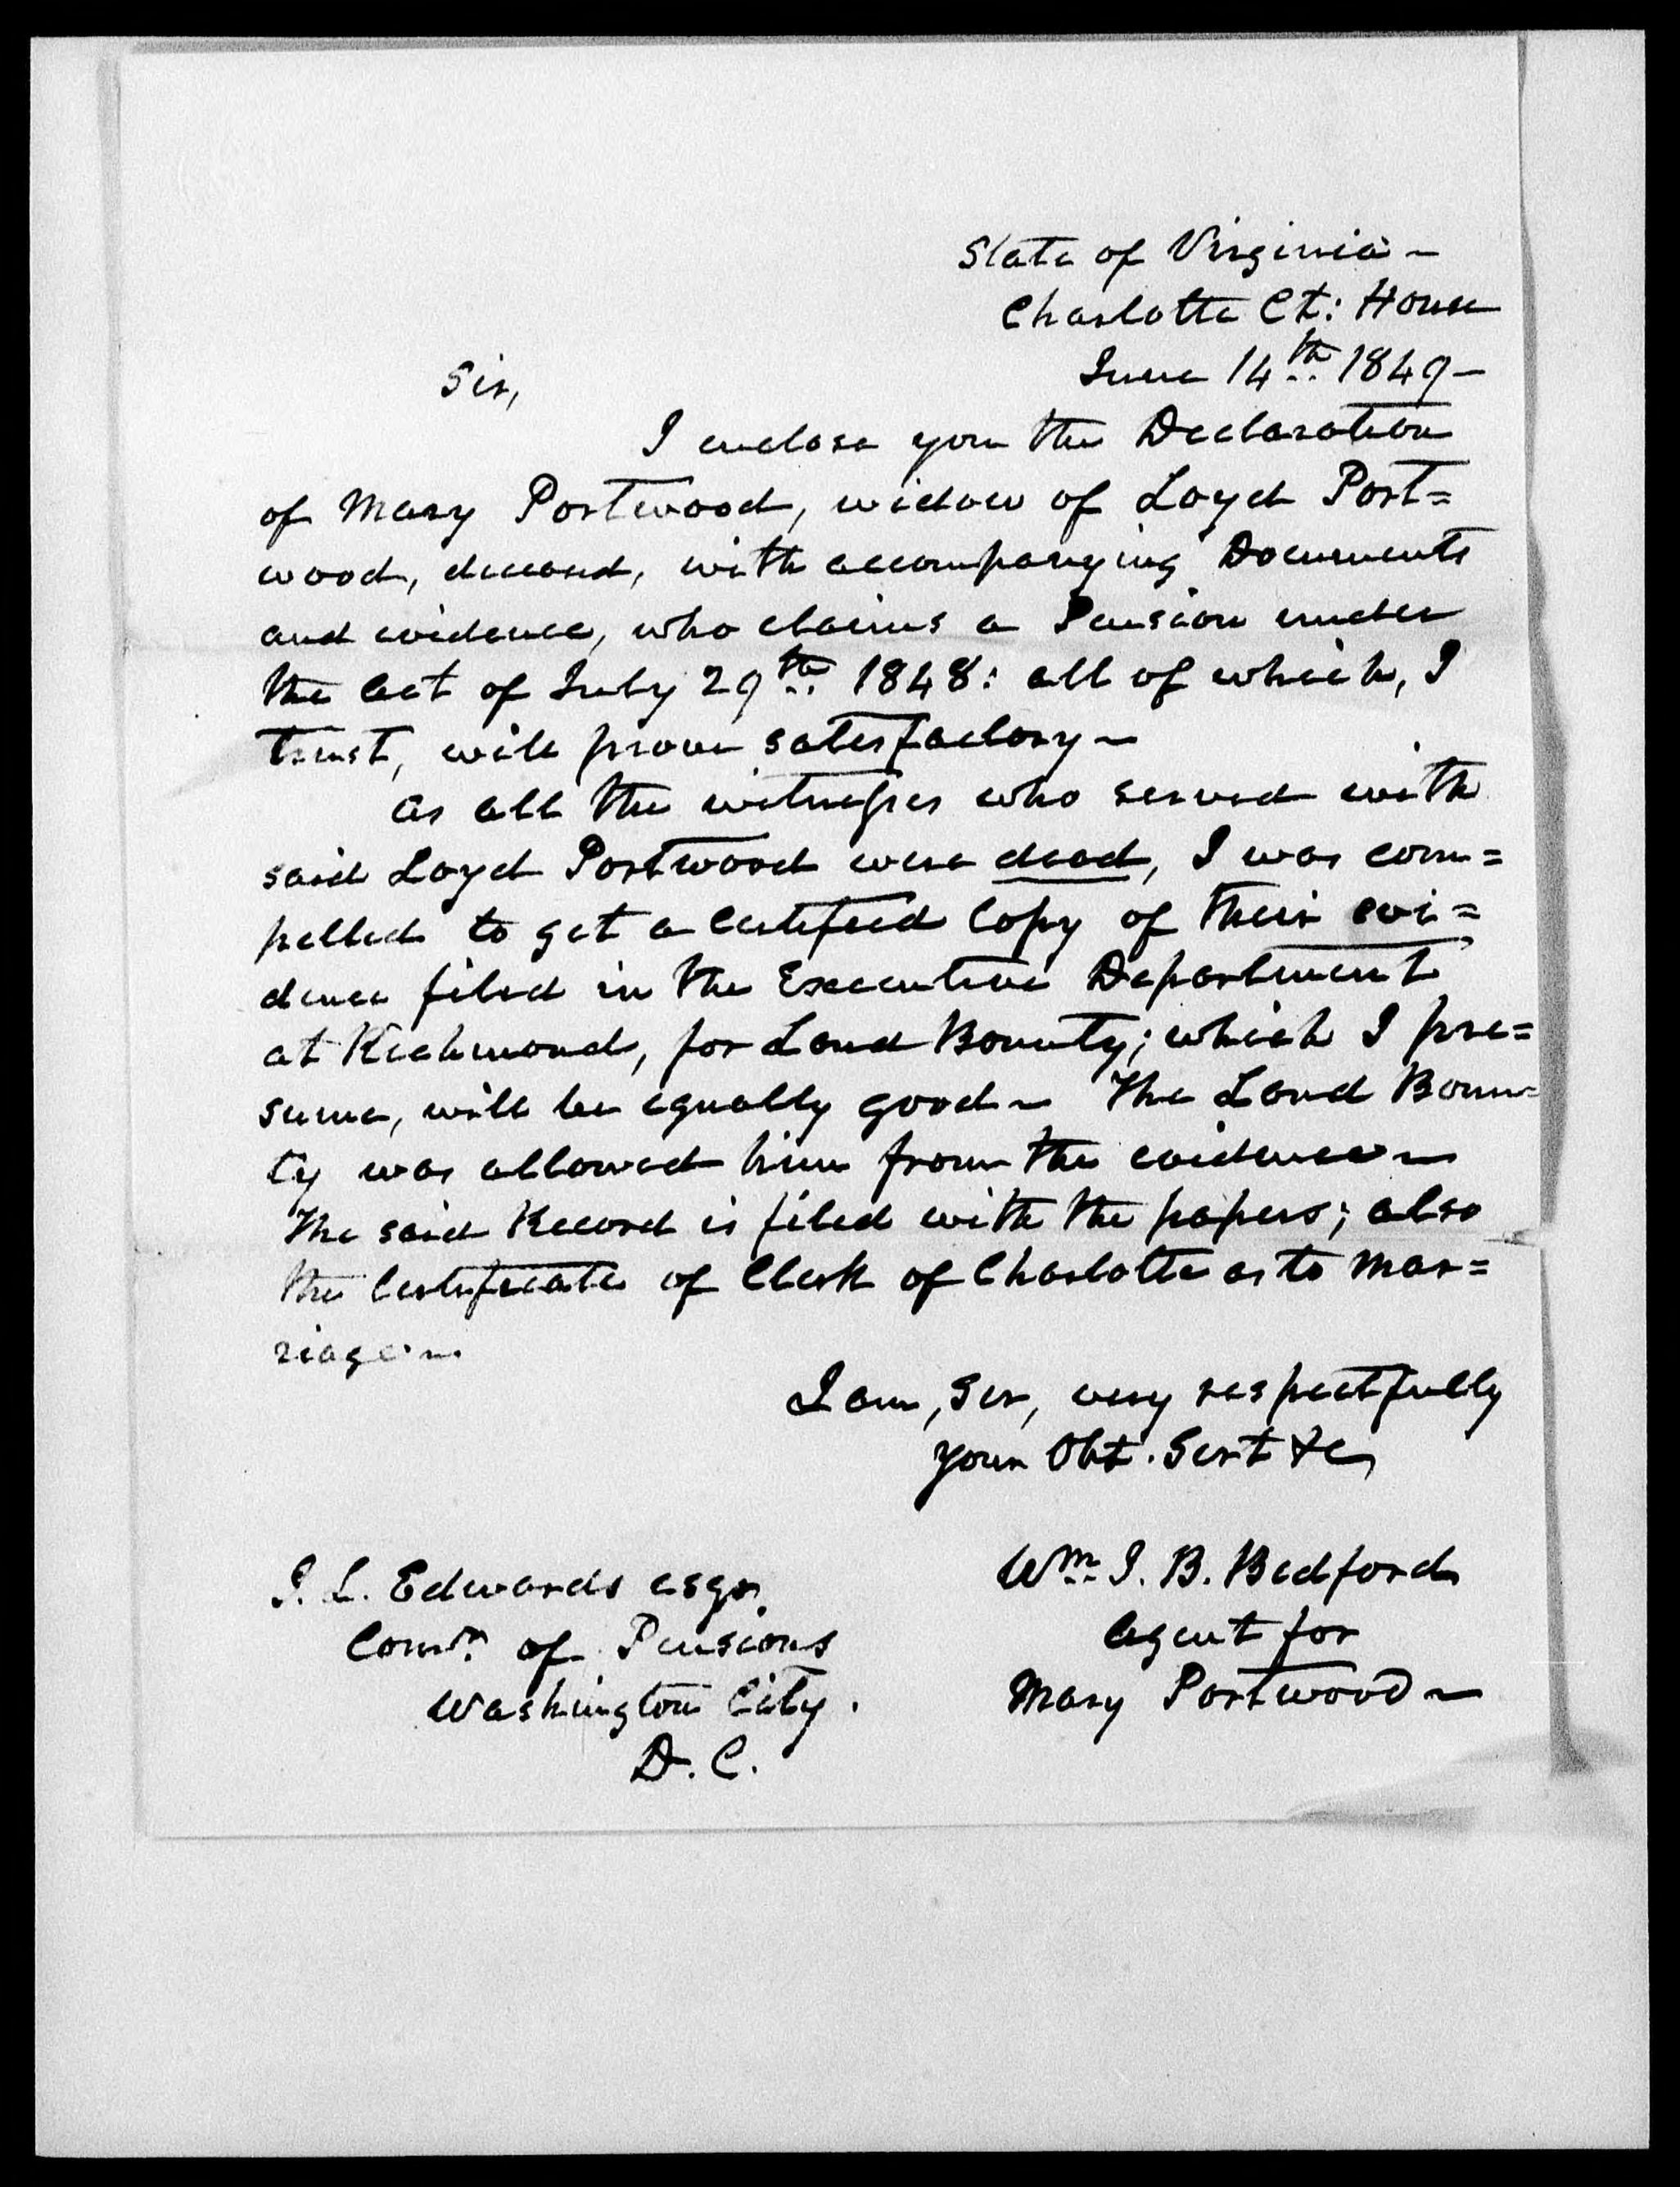| State of Virginia -
| Charlotte Ct: House
| June 14th 1849 -
Sir,
I enclose you the Declaration
of Mary Portwood, widow of Loyd Portwood.
deceased, with accompanying documents
and evidence, who claims a Pension under
the act of July 29th 1848: all of which, I
trust, will prove satisfactory --
As all the witnesses who served with
said Loyd Portwood were dead, I was compelled
to get a certified copy of their evidence
filed in the Executive Department
at Richmond, for Land Bounty; which I presume,
will be equally good. The Land Bounty
was allowed him from the evidence_
The said Record is filed with the papers; also
the certificate of Clerk of Charlotte as to marriage.
| I am, Sir, very respectfully
your Obt. Sert &c
J. L. Edwards esq | Wm. J. B. Bedford
Comr. of Pensions | Agent for
Washington City, | Mary Portwood __
D. C.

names: Loyd Portwood; J L Edwards; Mary Portwood; Wm J B Bedford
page: 30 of 50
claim: widow's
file: W. 1929, for Lloyd Portwood, Virginia